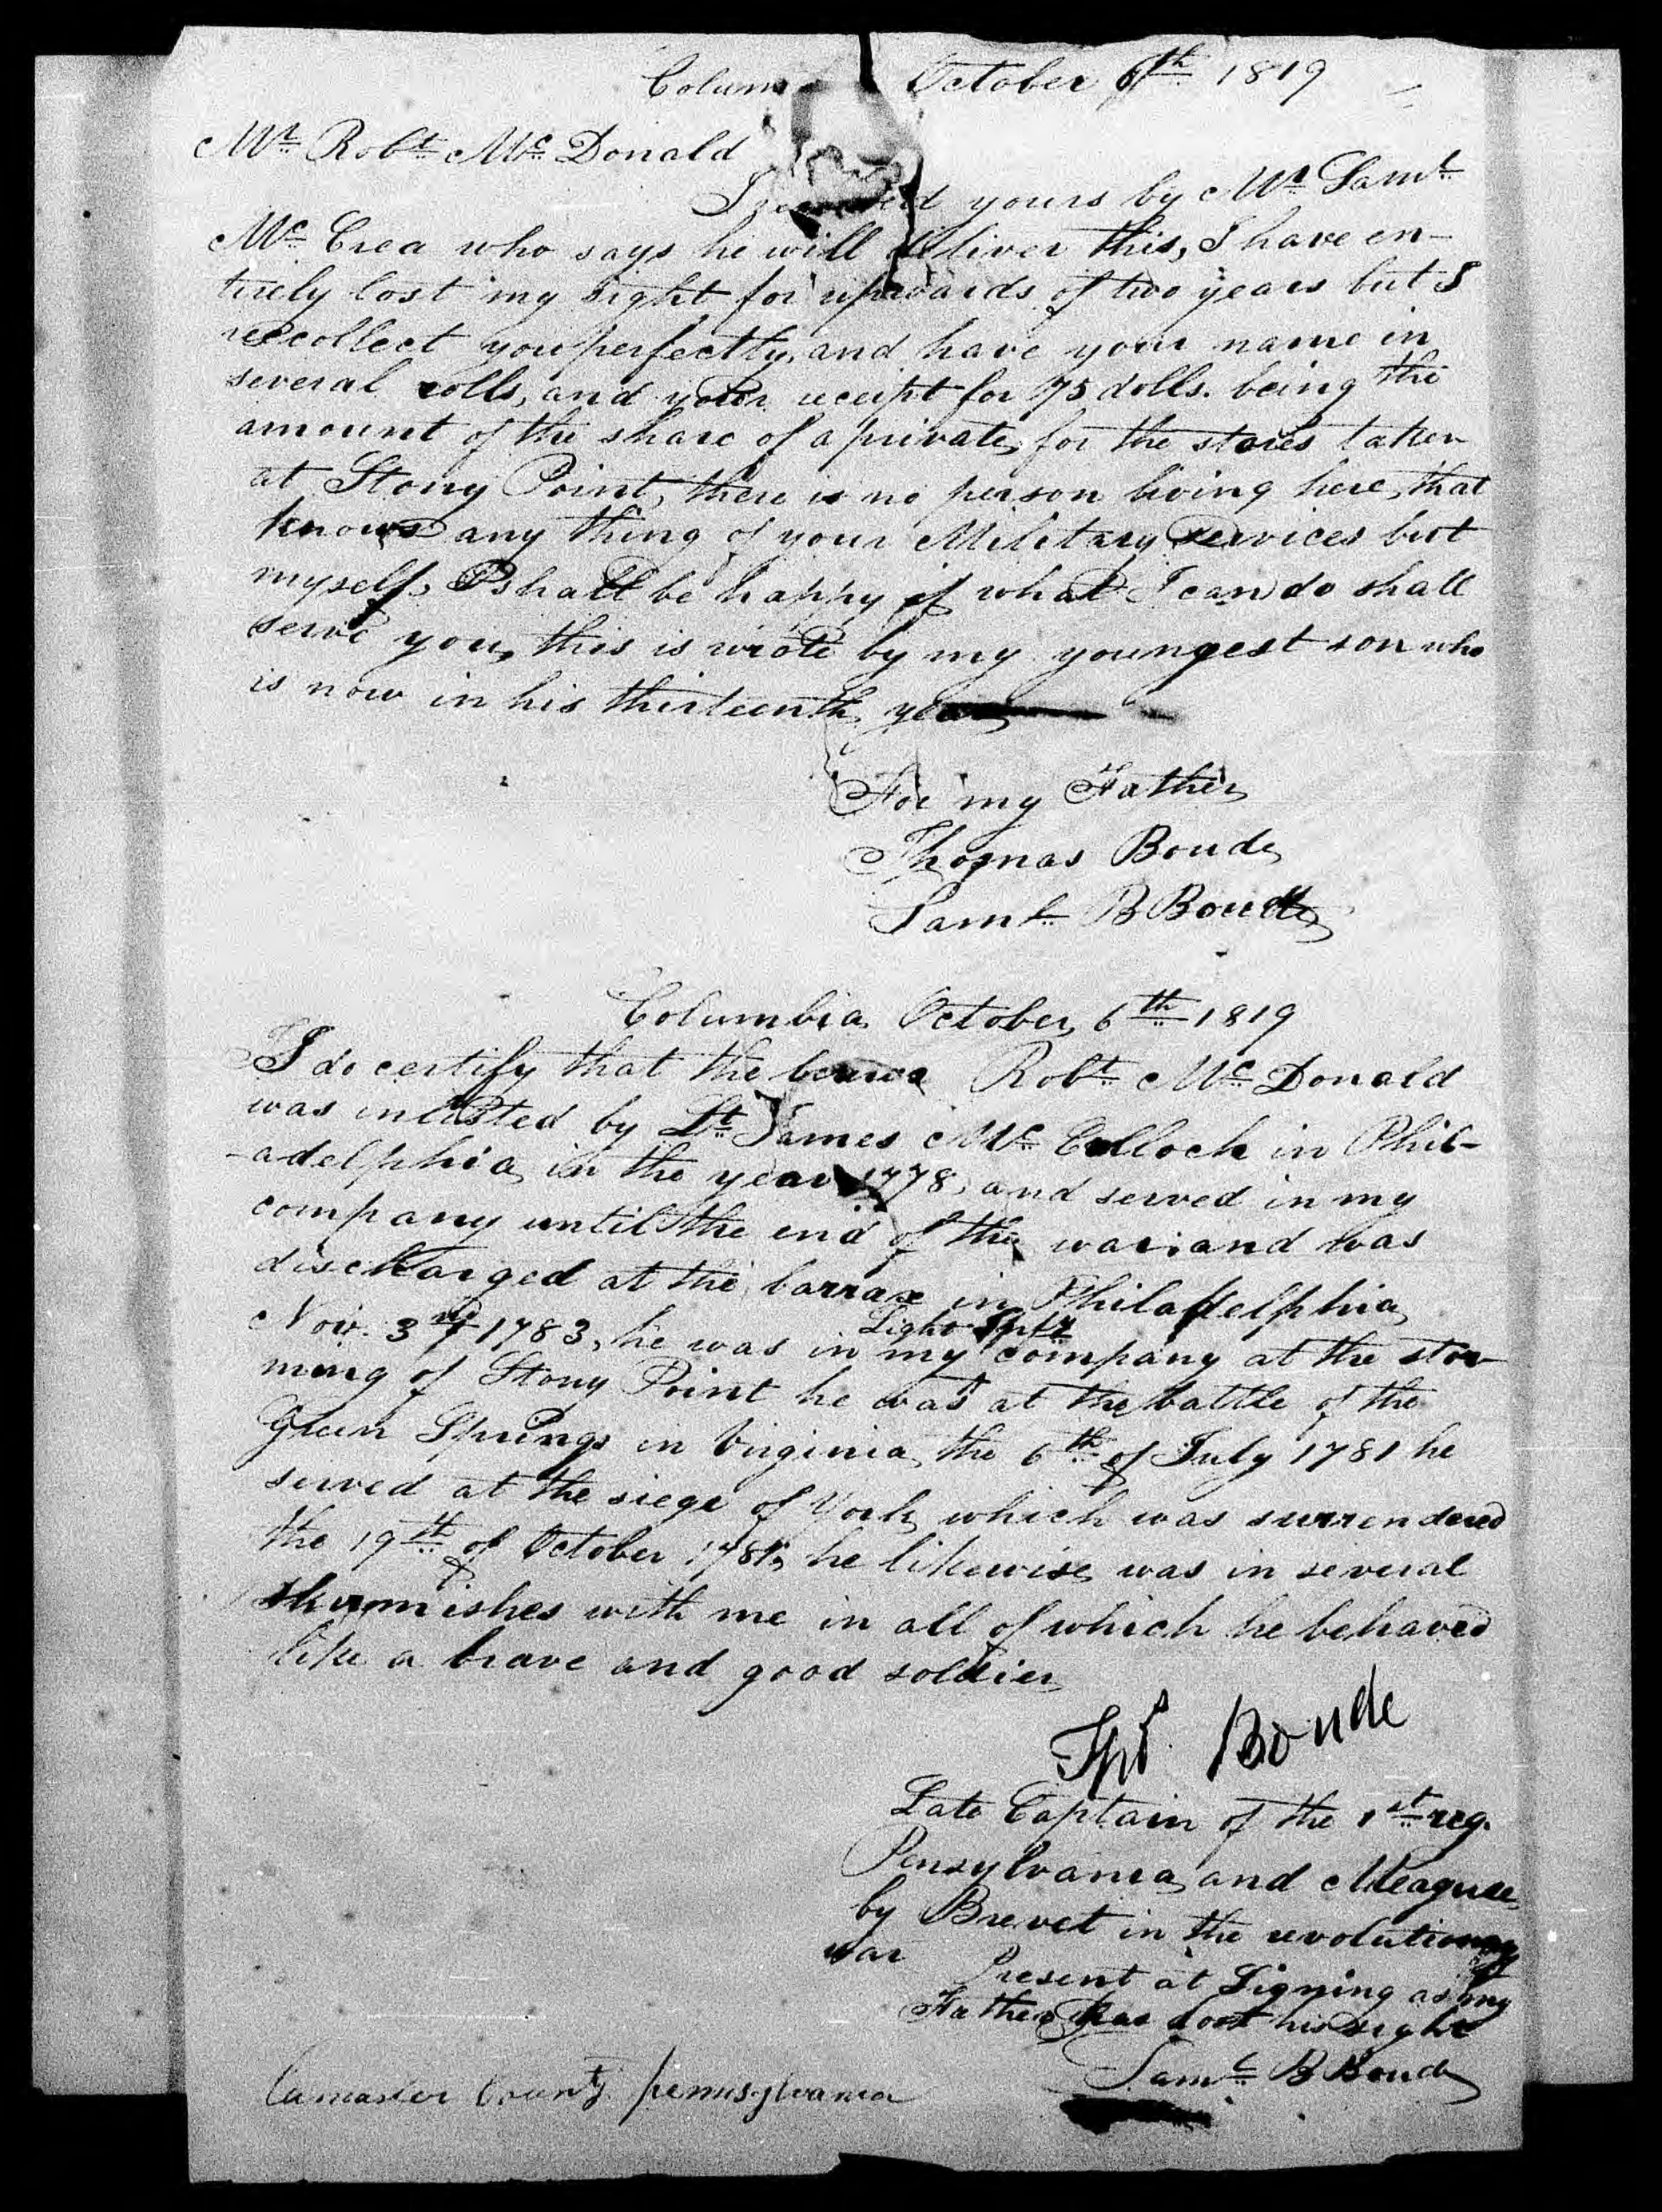Columbus October 7th 1819
Mr Robert McDonald I (unreadable) yours by Mr Samuel McCrea who says he will deliver this I have entirely lost my sight for upwards of three years but I recollect you perfectly and have your name in several rolls and your receipt for 75 dollars being the same amount of the share of a private for the stares taken at Stony Point, there is no pereson being here that knows any thing of your Military Services but myself, I shall be happy of what I can do shall serve you  this is wrote by my youngest son who is now in his thirteen year. For my Father's Thomas bonds Samuel B Bounds
Columbia October 6th 1819
I do certify that the above Robert McDonald was enlisted by Lieutenant James McCollock in Philadelphia in the year 1778 and served in my company until the end of the Sara and was discharged at the barrase in Philadelphia Nov 3rd 1783 he was in my Light (unreadable) company at the storming of Stony Point he was at the battle of the Green Springs in Virginia the 6th of July 1781 he served at the siege of York which was surrendered the 19th of October 1781 he likewise was in several skirmishes with me in all of which he behaved like a brave and good soldier
Thomas Bonde
Late Captain of the 1st Regiment Pennsylvania and Adeagues by Brevet in the revolutionary War Present at Signing as me For thereto has lost sight
Samuel B Bond
Lancaster County Pennsylvania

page: 42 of 59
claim: widow's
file: W 3703, for Robert Mc Donald, Pennsylvania